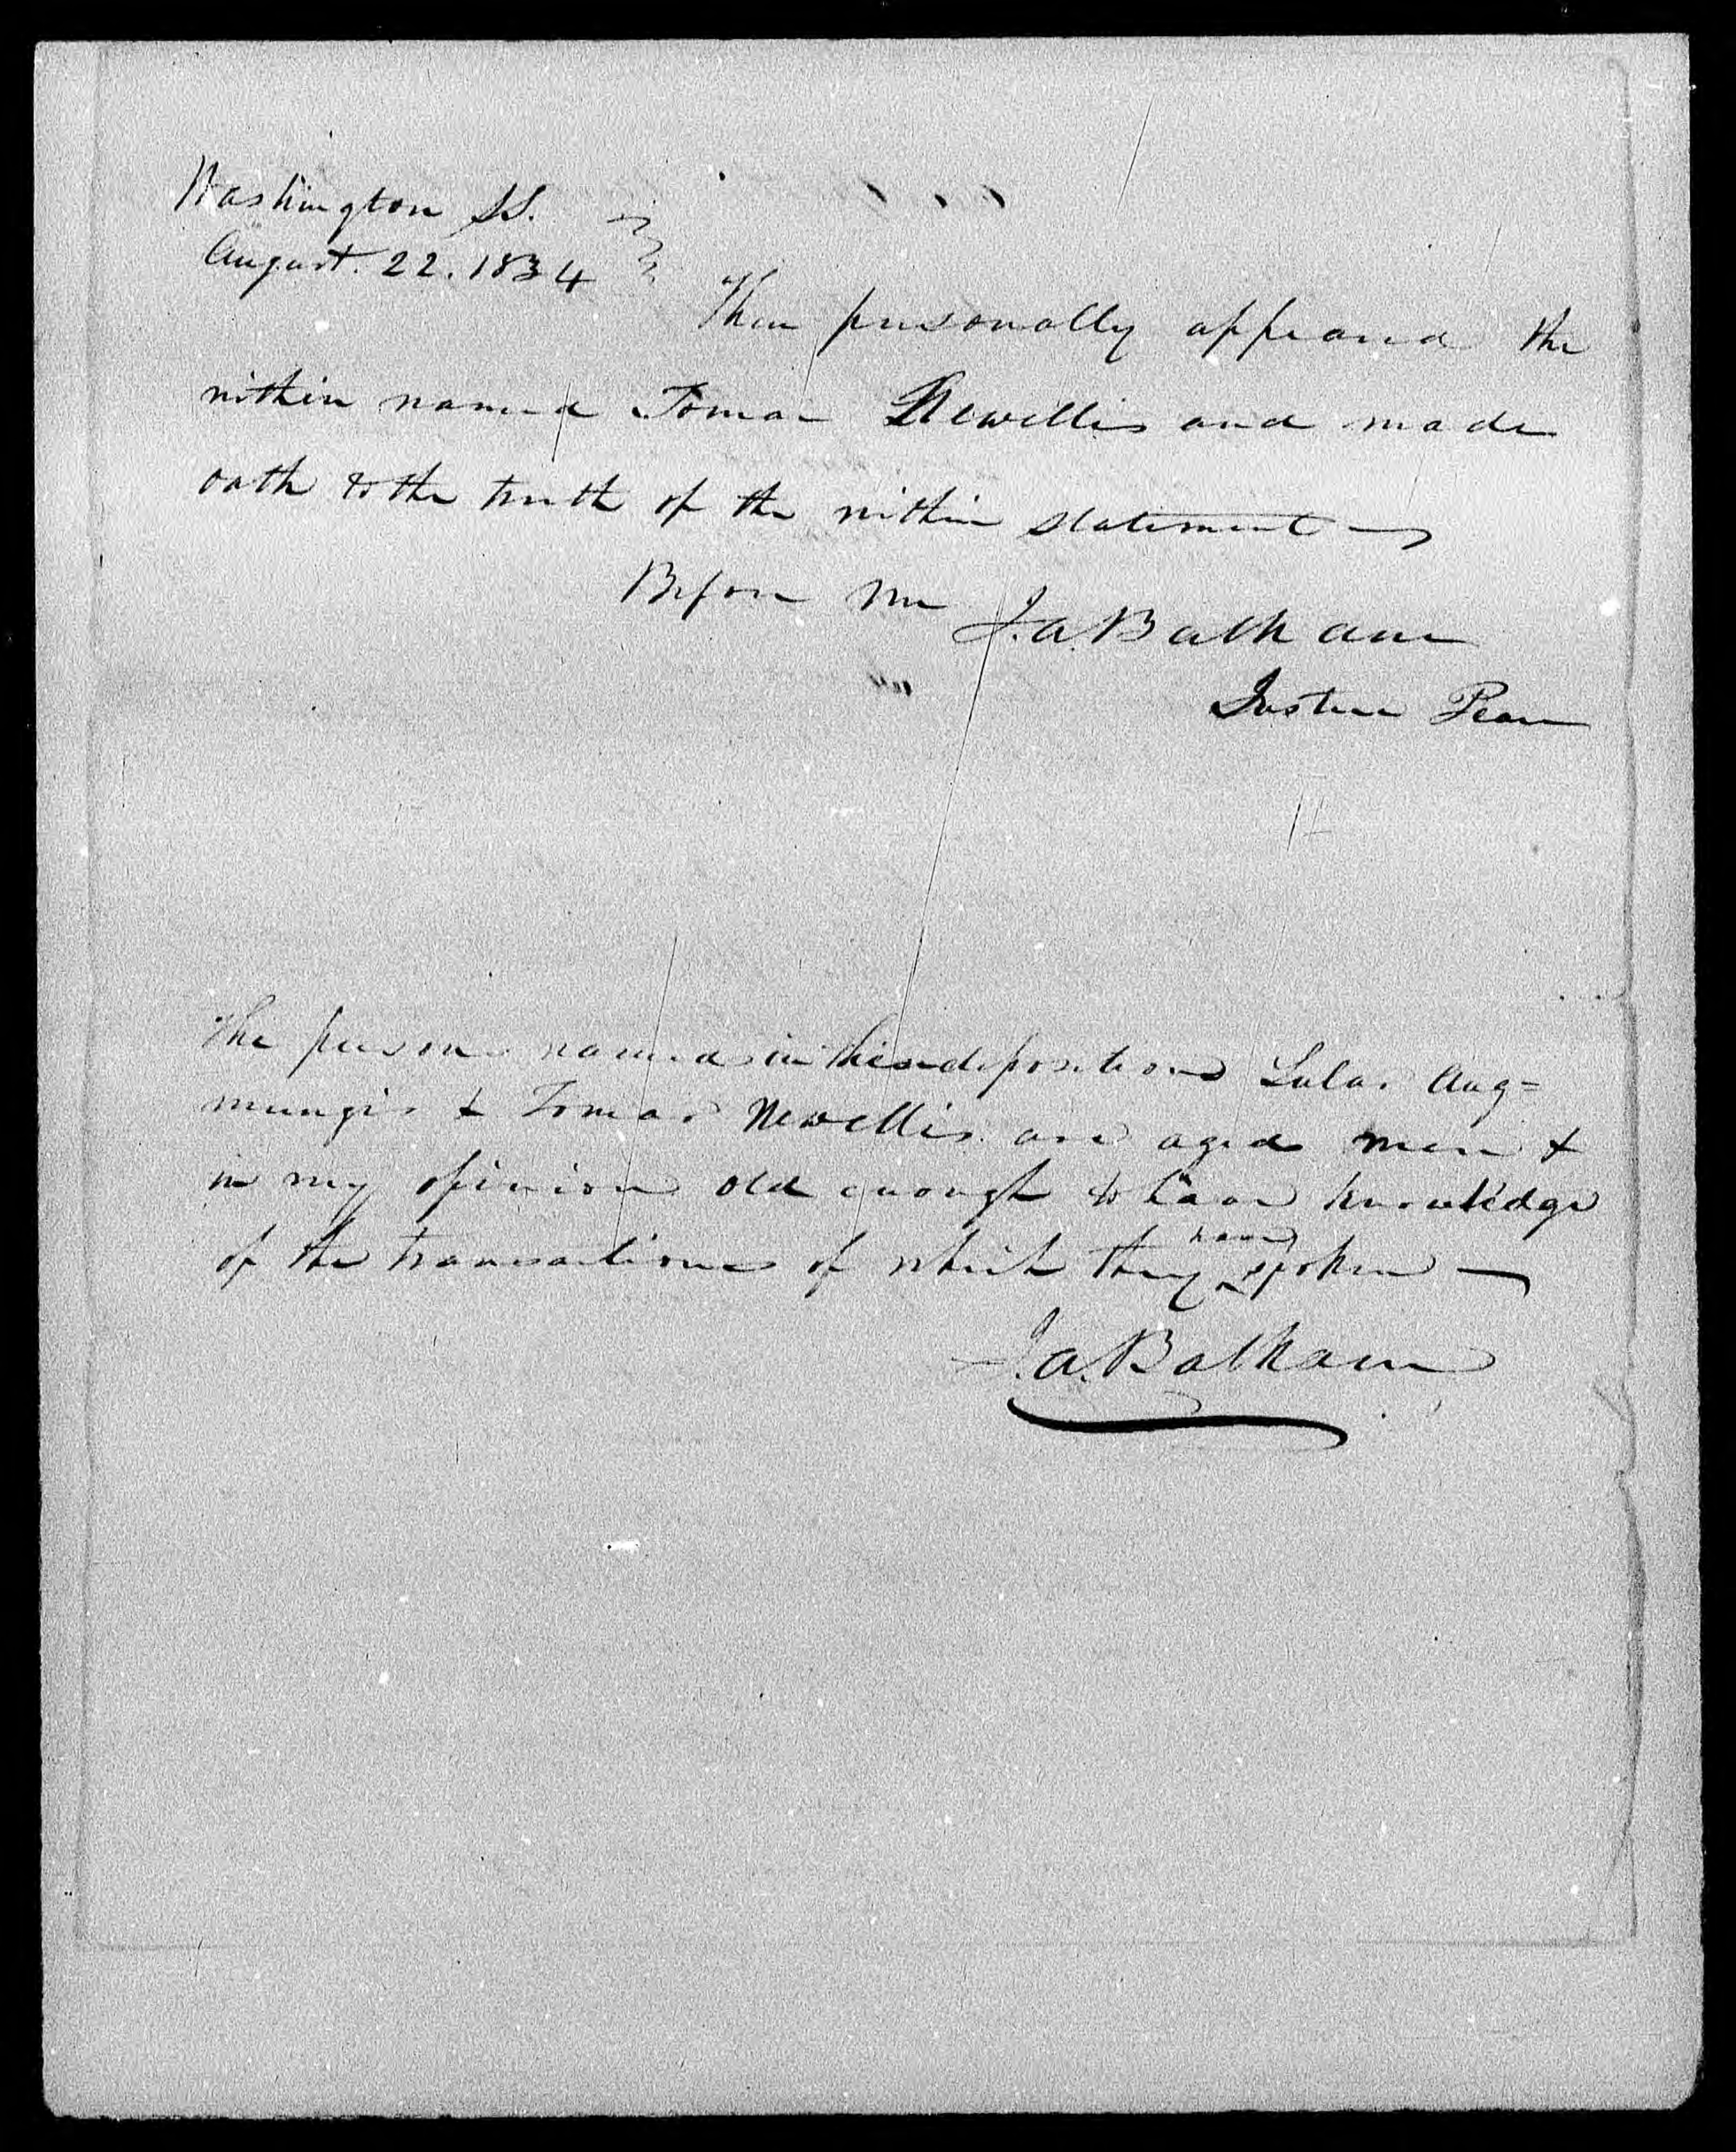Washington SS.
August 22,1834
This personally affirmed the within named Tomar Newellis and made oath to the truth of the within statement ---
Before me
J.A. Balkam
[Justice Peace]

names: Tomar Newellis, J A Balkam, J A Balkam, Tomar Newellis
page: 35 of 52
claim: survivor's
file: S 17997, Nicholas Hawwawas, Mass.